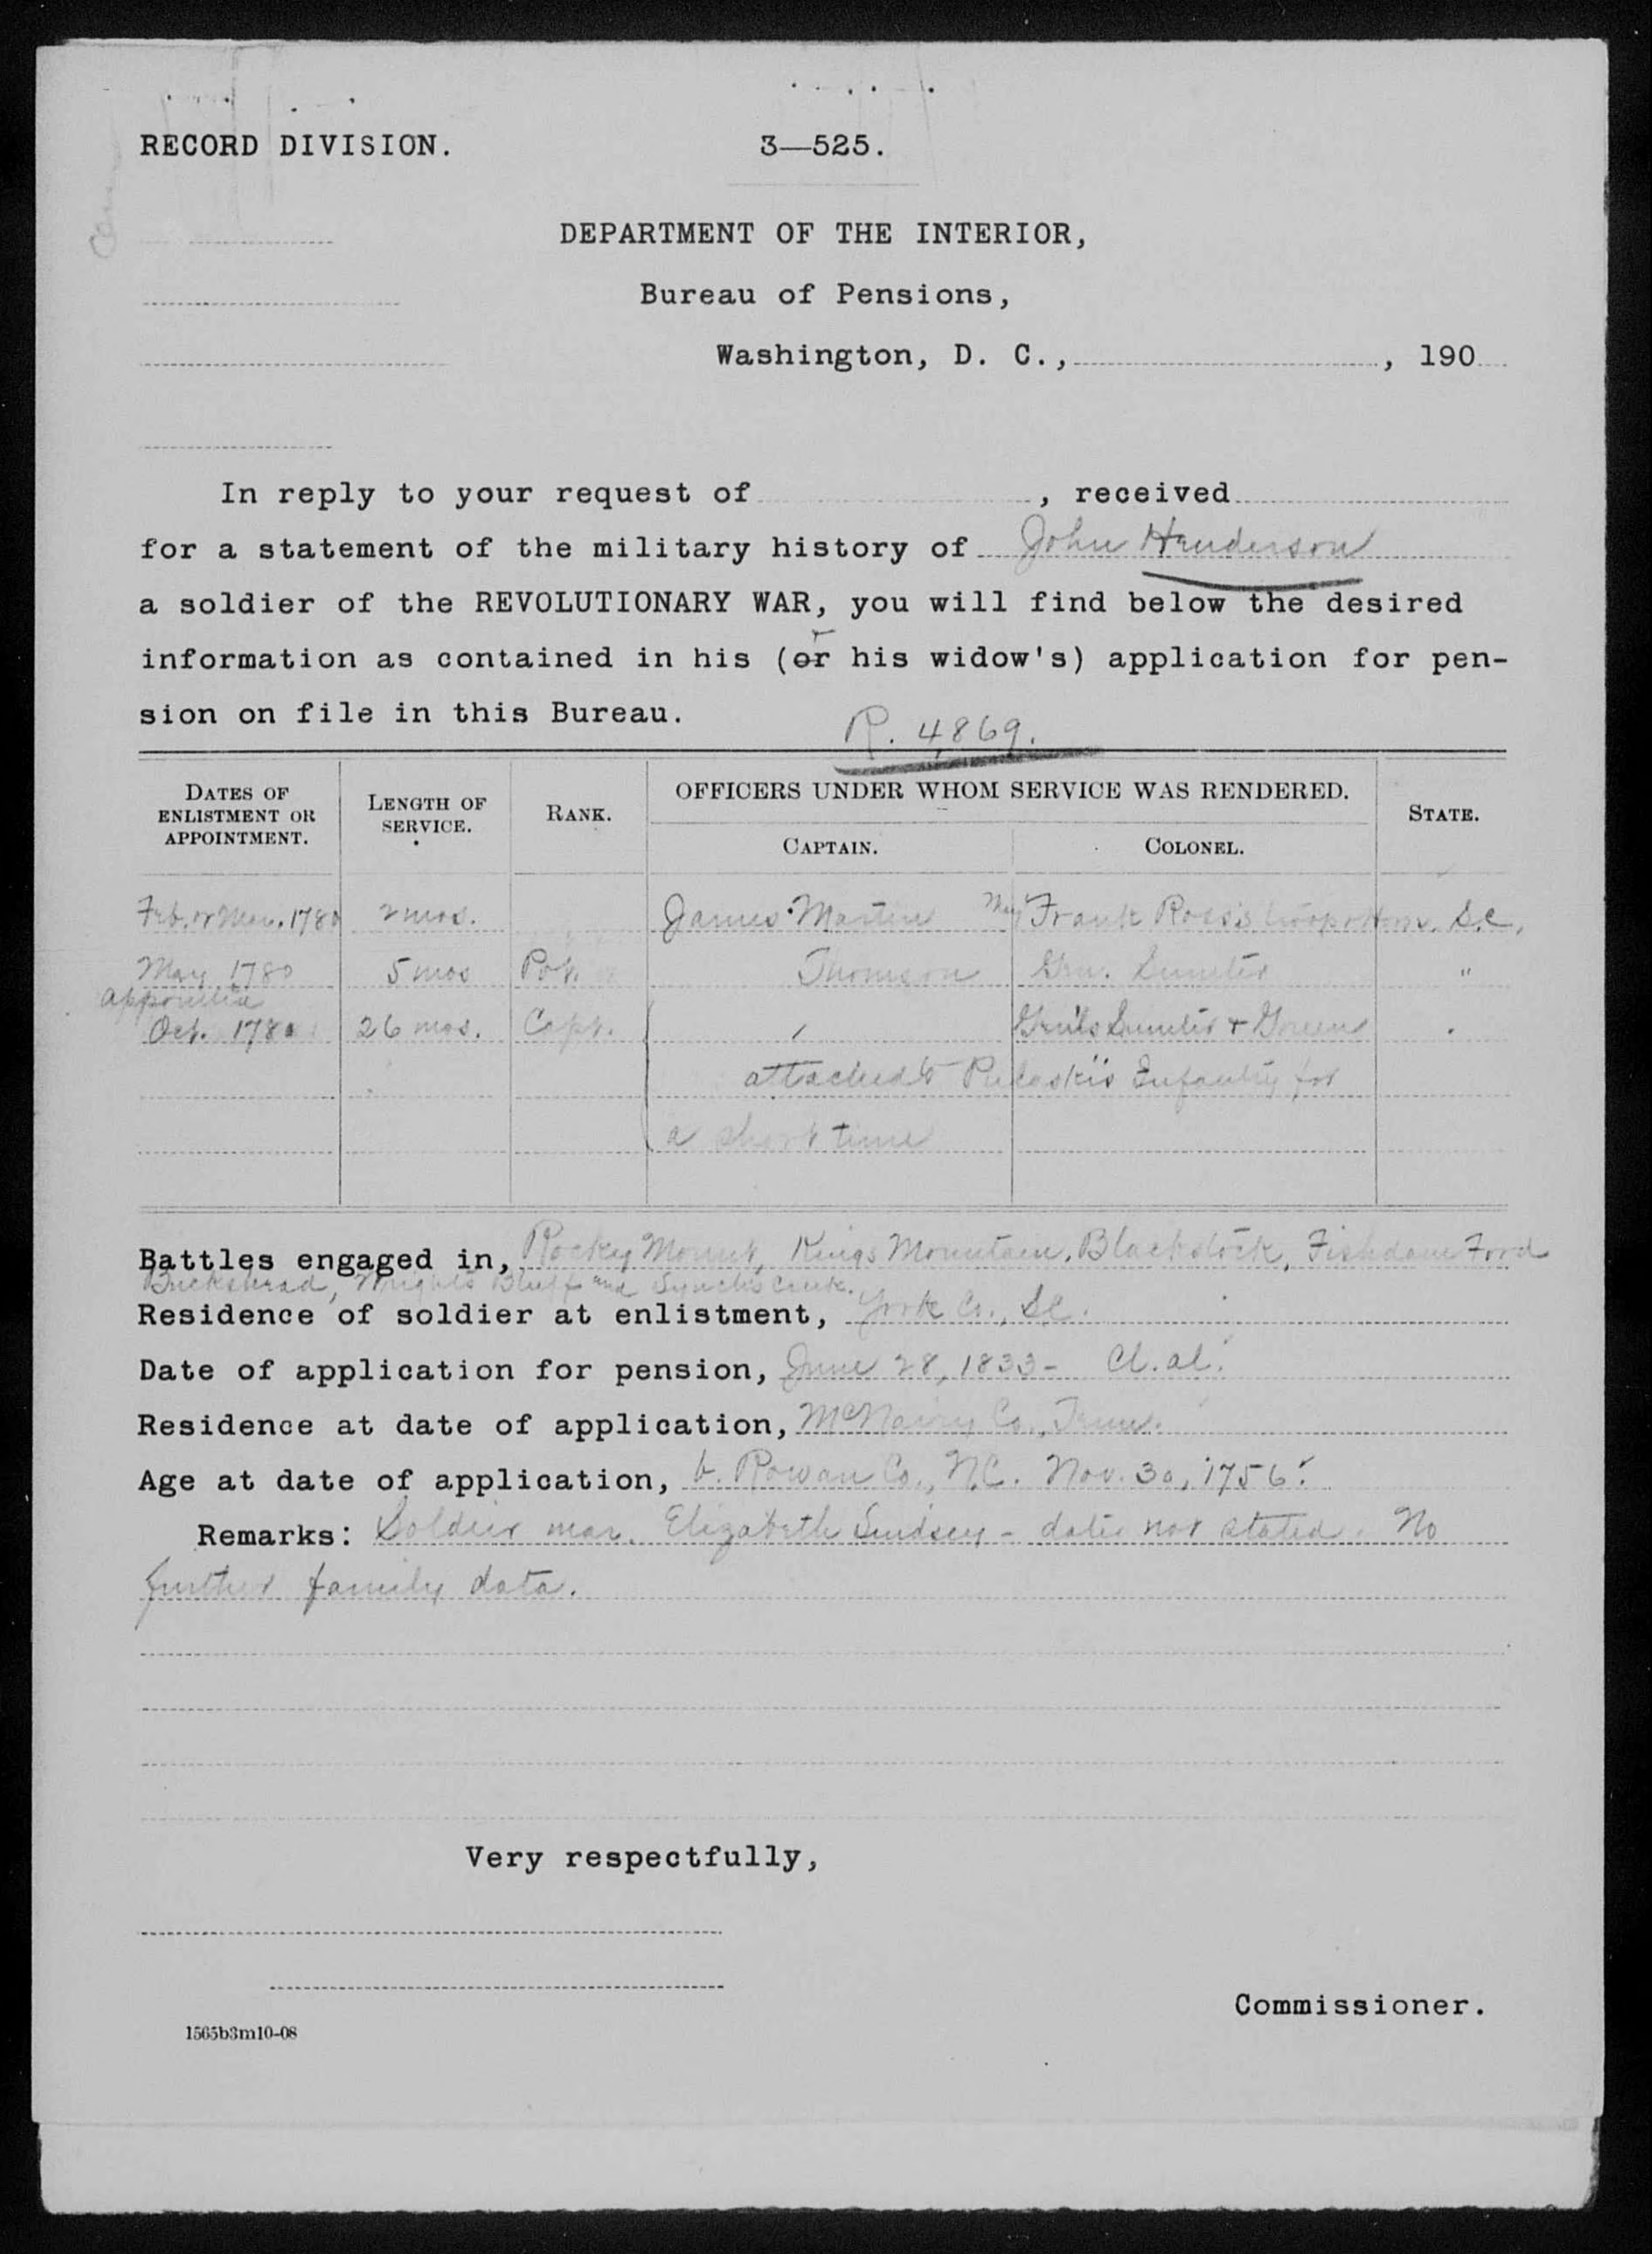RECORD DIVISION. 3-525.
DEPARTMENT OF THE INTERIOR,
Bureau of Pensions,
Washington, D.C.,  , 190
In reply to your request of , received for a statement of the military history of John Henderson a soldier of the REVOLUTIONARY WAR, you will find below the desired information as contained in his (or his widow's) application for pension on file in this Bureau.
P. 4869.
_______________
[table]
[six column headings]
DATES OF ENLISTMENT OR APPOINTMENT. | LENGTH OF SERVICE | RANK | OFFICERS UNDER WHOM SERVICE WAS RENDERED. CAPTAIN. | COLONEL. | STATE
_______________
Feb. or Mar. 1780 | 2 mos. | [blank] | James Martin | Maj Frank Ross's troop & Horse | S.C.
_______________
May 1780 | 5 mos | Pvt. | Thomson | Gen. Sumter | S.C.
_______________
Oct. 1780 | 26 mos. | Capt. | [blank] | Gen'ls Sumter & Green  attached to Pulaski's Infantry for a short time | [blank]
_______________
Battles engaged in, Rocky Mount, Kings Mountain, Blackstock, Fishdam Ford, Buckshead, Wrights Bluff and Lynch's Creek.
Residence of soldier at enlistment, York Cr., S.C.
Date of application for pension, June 28, 1833 - Cl. al.
Residence at date of application, b. Rowan Co., N.C. Nov. 30, 1756.
Remarks: Soldier mar. Elizabeth Lindsey - dates not stated. No further family data.
Very respectfully,
Commissioner.
1565b3m10-08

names: James Martin, Thomson, John Henderson, Sumter, Frank Ross, Sumter, Elizabeth Lindsey, Green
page: 13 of 40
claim: rejected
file: R. 4,869, John Henderson, S.C.